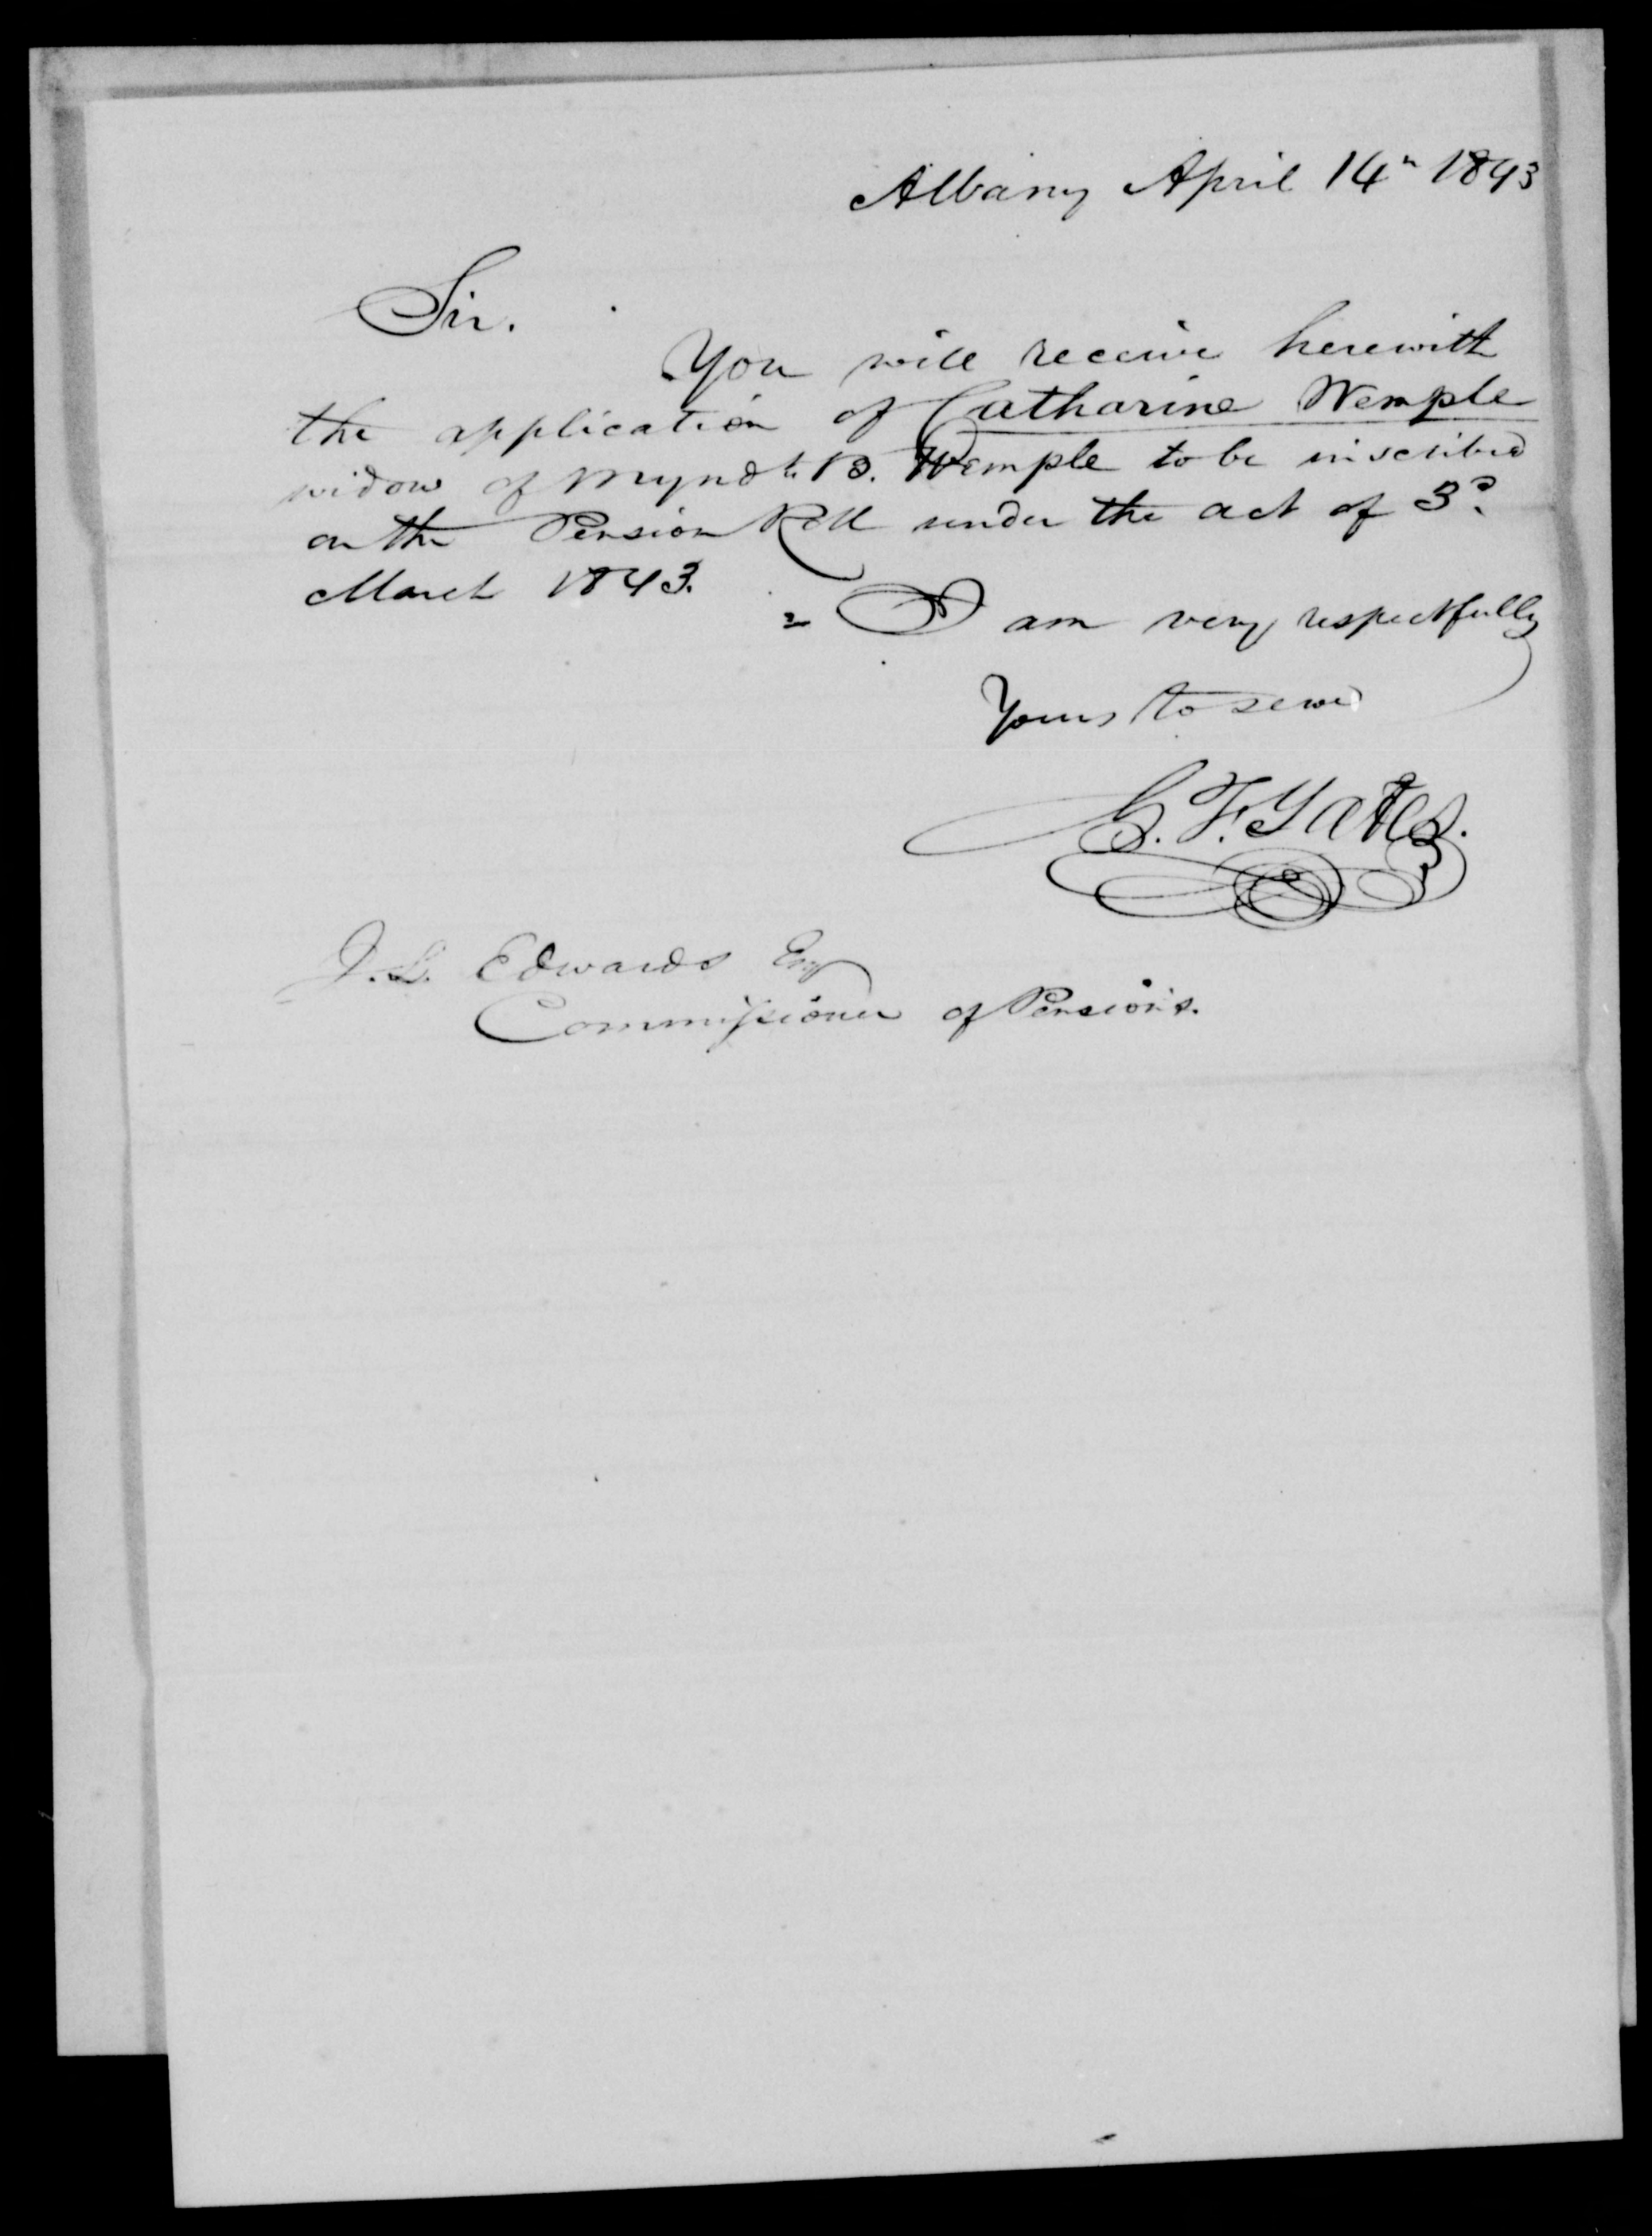Albany April 14th 1843

Sir,
You will receive herewith
the application of Catharine Wemple
widow of Myndt(Myndert) B Wemple to be inscribed
on the Pension Roll under the act of
3d March 1843.

I am very respectfully
Yours [illegible](obt servt?)
G. F. Yates

J.L. Edwards Esq
Commissioner of Pensions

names: G F Yates, J L Edwards, Myndt B Wemple, Catharine Wemple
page: 49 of 51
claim: widow's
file: W. 19604, Myndert B Wemple, New York